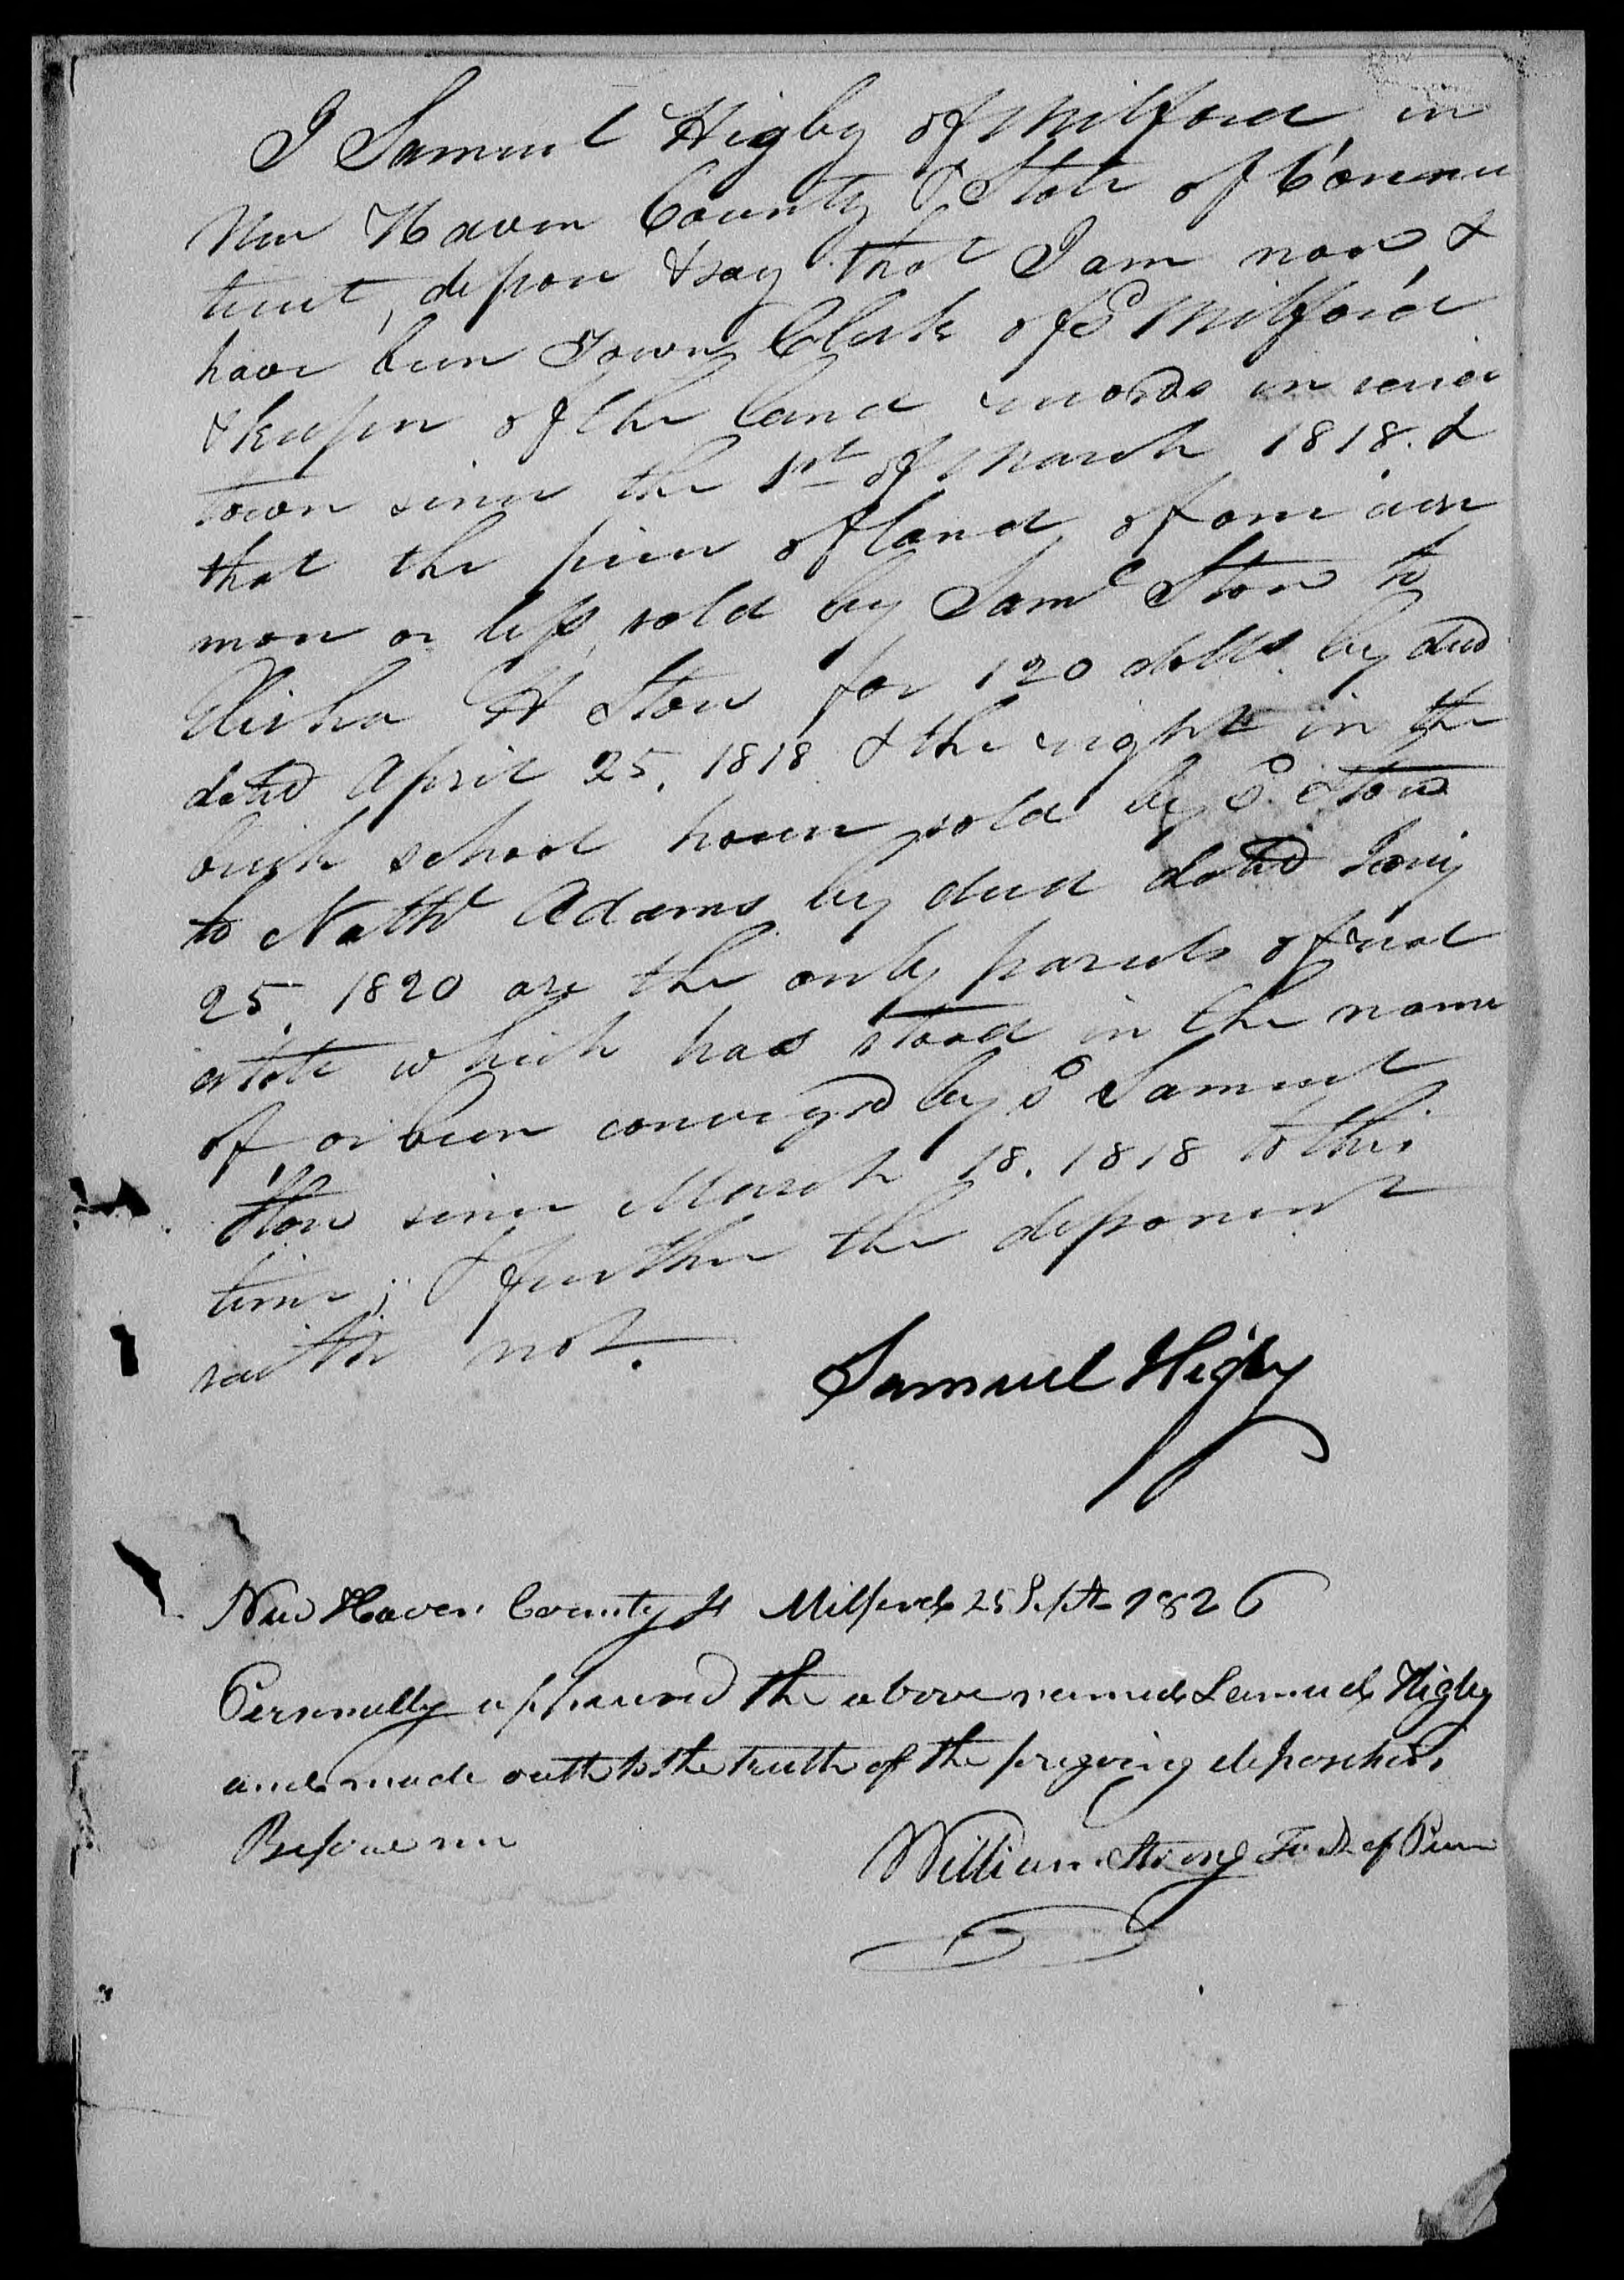I Samuel Higby of Milford in New Haven County & State of Connecticut depose & say that I am now & have been Town Clerk of said Milford & keeper of the land records in said
town since the 1st of March 1818 & that the piece of land of one acre more or less sold by Sam'l Stow to Elisha H. Stow for 120 dollars by deed dated April 25, 1818 & the right in the
brick school house sold by said Stow to Nath'l Adams by deed dated Jany 25 1820 are the only parcels of real estate which has stood in the name of, or been conveyed by said Samuel
Stow since March 18, 1818 to this time; & further the deponent saith not.
[signed] Samuel Higby

New Haven County} ss:  Milford 25 Sept 1826
Personally appeared the above named Samuel Higby and made oath to the truth of the foregoing deposition Before me.
William Strong, Just. of Peace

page: 37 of 42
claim: survivor's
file: S. 36,819, for Samuel Stow, Connecticut